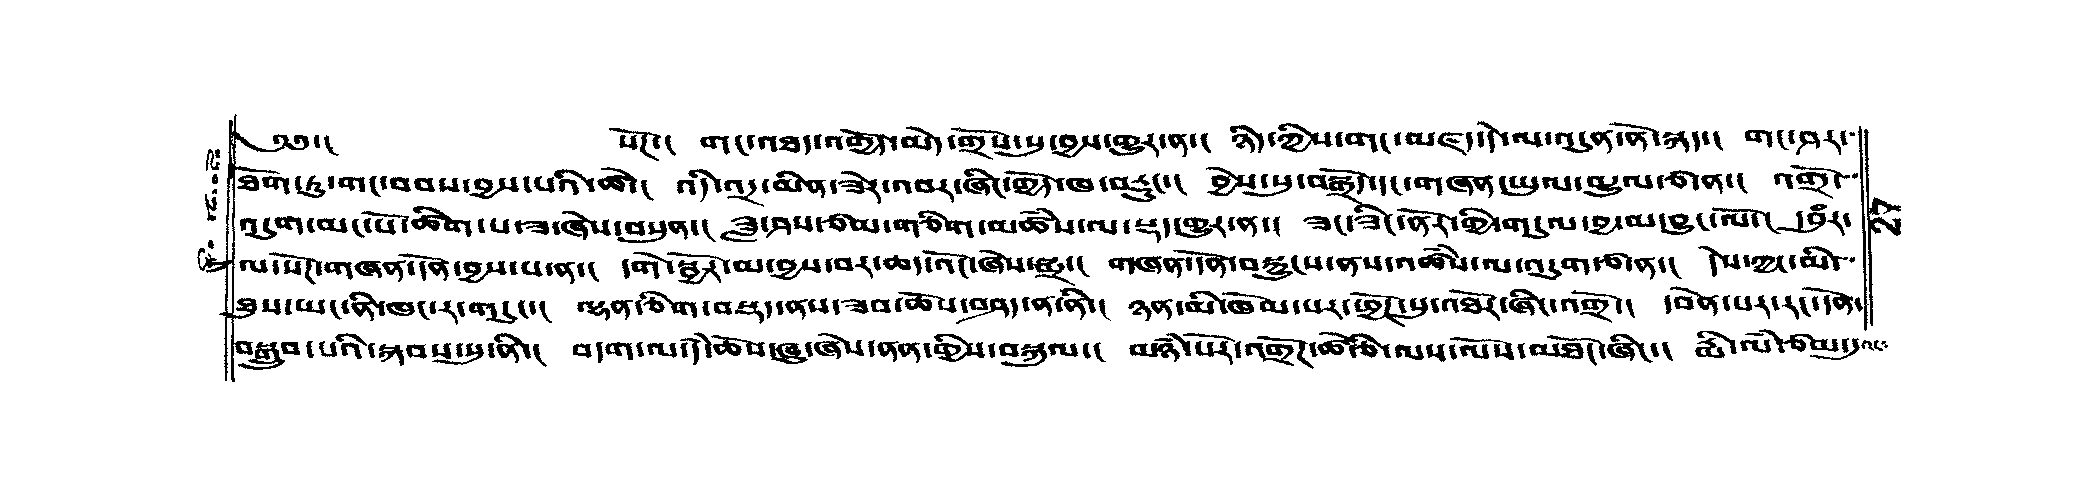སོགས། །གང་འཐད་འགྱོད་མེད་གྲོས་སུ་བྱས་གྱུར་ན། །ཉིད་ཀྱི་གང་མཛད་དེ་ལ་འདུན་ནོ་སྐད། །གང་ཤར་
ཐོག་ཏུ་གང་བབས་བྱས་པའི་ཚེ། །འདི་འདྲ་མིན་ཟེར་འབར་ཞིང་གྱོད་ཁ་བརྡུང་། །བྱེས་སུ་བསྒྲོད་དང་གཞན་ཡུལ་མྱུལ་ཙ་ན། །འགྲོ་
འདུག་མང་པོ་ཚིག་པ་ཟ་ཞེས་བསུན། །ཟླ་ཤས་ཙམ་ཞིག་མཚམས་ལ་བསྡད་གྱུར་ན། །ཟང་ཟིང་ནོར་གྱི་གདུལ་བྱ་མ་བྱུང་ལོ། །དབང་བསྐུར་
ལ་སོགས་གཞན་དོན་བྱས་པ་ན། །དགེ་སྦྱོར་མ་བྱས་བར་ཆད་འོང་ཞེས་སྨྲ། །གཞན་དོན་བསྐྱུངས་ནས་མཚམས་ལ་འདུག་ཙ་ན། །དེས་ཀྱང་མི་
ཐུས་ཡང་ནི་ཁང་ར་བརྡུང་། །ལྷན་ཅིག་བསྡད་ནས་ཟབ་ཆོས་བཤད་ན་ནི། །ཉན་མི་ཁོམ་པར་ཕྱོགས་སུ་འཐོར་ཞིང་འགྲོ། །དབེན་པར་རང་དོན་
བསྒྲུབ་པའི་སྐབས་སུ་ནི། །བདག་ལ་དམ་ཆོས་ཞུ་ཞེས་ནན་གྱིས་བསྐུལ། །མཉམ་པར་འགྲོགས་ཚེ་ཅི་ལས་ལོད་མཐོང་ཞིང་། །རྨི་ལམ་ཙམ་དུའང་